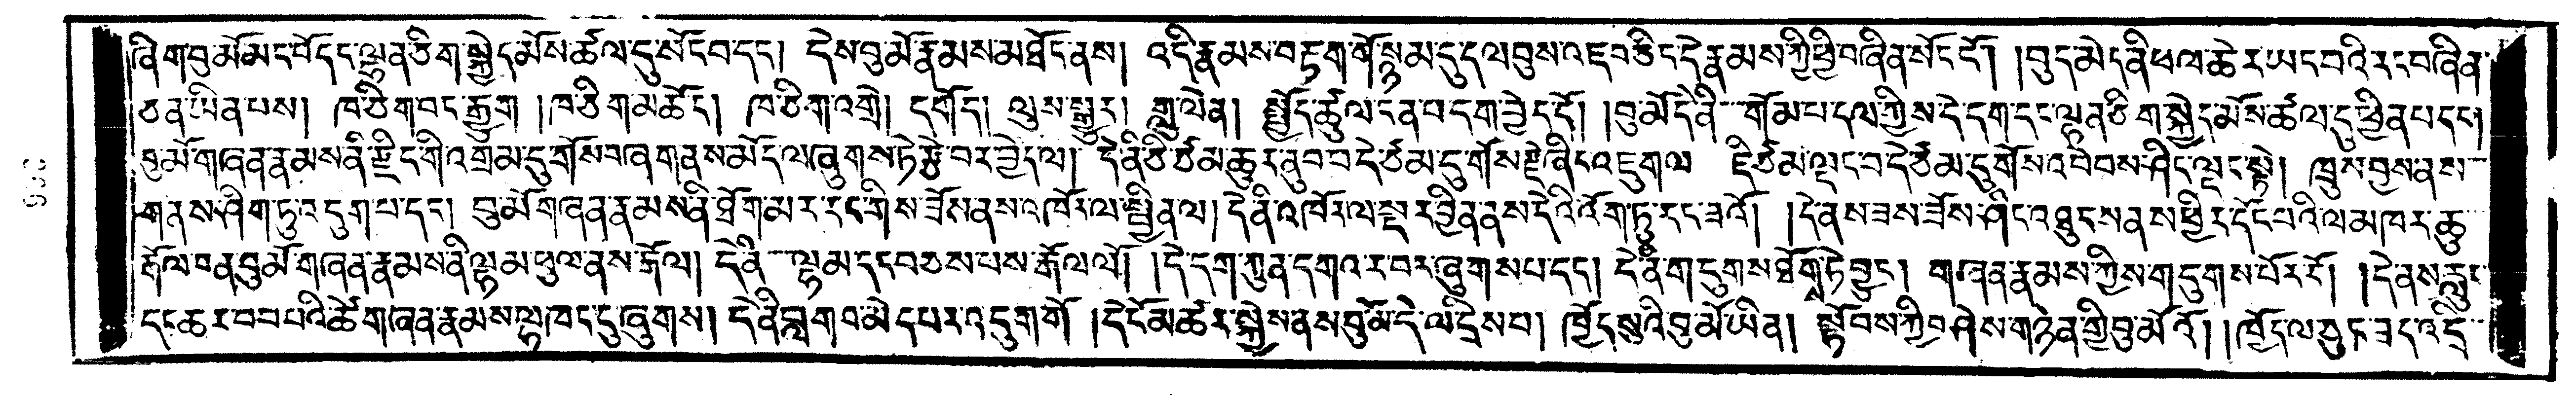ཞིག་བུ་མོ་མང་པོ་དང་ལྷན་ཅིག་སྐྱེད་མོས་ཚལ་དུ་སོང་བ་དང་། དེས་བུ་མོ་རྣམས་མཐོང་ནས། འདི་རྣམས་བརྟག་གོ་སྙམ་དུ་དལ་བུས་འཇབ་ཅིང་དེ་རྣམས་ཀྱི་ཕྱི་བཞིན་སོང་ངོ། །བུད་མེད་ནི་ཕལ་ཆེར་ཡང་བའི་རང་བཞིན་
ཅན་ཡིན་པས། ཁ་ཅིག་བང་རྒྱུག །ཁ་ཅིག་མཆོད། ཁ་ཅིག་འགྲེ། དགོད། ལུས་སྒྱུར། གླུ་ལེན། སྤྱོད་ཚུལ་ངན་པ་དག་བྱེད་དོ། །བུ་མོ་དེ་ནི་གོམ་པ་དལ་གྱིས་དེ་དག་དང་ལྷན་ཅིག་སྐྱེད་མོས་ཚལ་དུ་ཕྱིན་པ་དང་།
བུ་མོ་གཞན་རྣམས་ནི་རྫིང་གི་འགྲམ་དུ་གོས་བཞག་ནས་མོད་ལ་ཞུགས་ཏེ་རྩེ་བར་བྱེད་ལ། དེ་ནི་ཅི་ཙམ་ཆུར་ནུབ་པ་དེ་ཙམ་དུ་གོས་རྫེ་ཞིང་འཇུག་ལ་ཇི་ཙམ་ལྡང་བ་དེ་ཙམ་དུ་གོས་འབེབས་ཤིང་ལྡང་སྟེ། ཁྲུས་བྱས་ནས་
གནས་ཤིག་ཏུ་འདུག་པ་དང་། བུ་མོ་གཞན་རྣམས་ནི་ཐོག་མར་རང་གིས་ཟོས་ནས་འཁོར་ལ་སྦྱིན་ལ། དེ་ནི་འཁོར་ལ་སྔར་བྱིན་ནས་དེའི་འོག་ཏུ་རང་ཟའོ། །དེ་ནས་ཟས་ཟོས་ཤིང་འཐུངས་ནས་ཕྱིར་དོང་པའི་ལ་མཁར་ཆུ་
རྒོལ་བན་བུ་མོ་གཞན་རྣམས་ནི་ལྷམ་ཕུལ་ནས་རྒོལ། དེ་ནི་ལྷམ་དང་བཅས་པས་རྒོལ་ལོ། །དེ་དག་ཀུན་དགའ་ར་བར་ཞུགས་པ་དང་། དེ་ནི་གདུགས་ཐོགས་ཏེ་བྱུང་། གཞན་རྣམས་ཀྱིས་གདུགས་པོར་རོ། །དེ་ནས་རླུང་
དང་ཆར་བབ་པའི་ཚེ་གཞན་རྣམས་ལྷ་ཁང་དུ་ཞུགས། དེ་ནི་བླག་བ་མེད་པར་འདུག་གོ །དེ་ངོ་མཚར་སྐྱེས་ནས་བུ་མོ་དེ་ལ་དྲིས་པ། ཁྱོད་སུའི་བུ་མོ་ཡིན། སྟོབས་ཀྱི་བཤེས་གཉེན་གྱི་བུ་མོའོ། །ཁྱོད་ལ་ཅུང་ཟད་འདྲི་